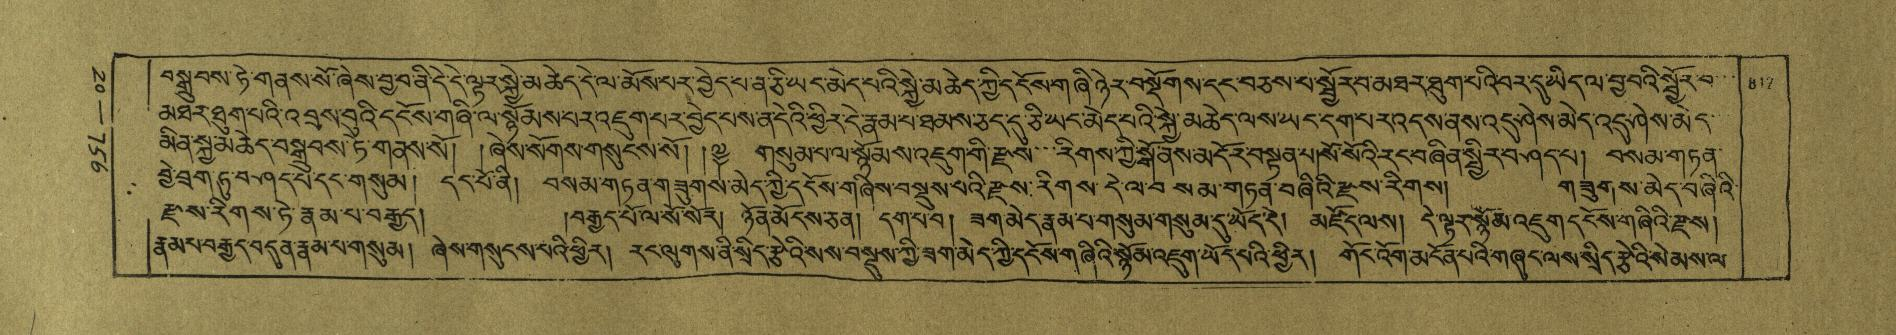བསྒྲུབས་ཏེ་གནས་སོ་ཞེས་བྱ་བ་ནི་དེ་དེ་ལྟར་སྐྱེ་མཆེད་དེ་ལ་མོས་པར་བྱེད་པ་ན་ཅི་ཡང་མེད་པའི་སྐྱེ་མཆེད་ཀྱི་དངོས་གཞི་ཉེར་བསྔོགས་དང་བཅས་པ་སྦྱོར་བ་མཐར་ཐུག་པའི་བར་དུ་ཡིད་ལ་བྱ་བའི་སྦྱོར་བ་
མཐར་ཐུག་པའི་འབྲས་བུའི་དངོས་གཞི་ལ་སྙོམས་པར་འཇུག་པར་བྱེད་པས་ན་དེའི་ཕྱིར་དེ་རྣམ་པ་ཐམས་ཅད་དུ་ཅི་ཡང་མེད་པའི་སྐྱེ་མཆེད་ལས་ཡང་དག་པར་འདས་ནས་འདུ་ཤེས་མེད་འདུ་ཤེས་མེད་
མིན་སྐྱ་མཆེད་བསྒྲུབས་ཏེ་གནས་སོ། །ཞེས་སོགས་གསུངས་སོ། ། ༈ གསུམ་པ་ལ་སྙོམས་འཇུག་གི་རྫས་རིགས་ཀྱི་སྒོ་ནས་མདོར་བསྟན་པ། སོ་སོའི་རང་བཞིན་སྤྱིར་བཤད་པ། བསམ་གཏན་
བྱེ་བྲག་ཏུ་བཤད་པ་དང་གསུམ། དང་པོ་ནི། བསམ་གཏན་གཟུགས་མེད་ཀྱི་དངོས་གཞིས་བསྡུས་པའི་རྫས་རིགས་དེ་ལ་བསམ་གཏན་བཞིའི་རྫས་རིགས། གཟུགས་མེད་བཞིའི་
རྫས་རིགས་ཏེ་རྣམ་པ་བརྒྱད། །བརྒྱད་པོ་ལ་སོ་སོར། ཉོན་མོངས་ཅན། དག་པ་བ། ཟག་མེད་རྣམ་པ་གསུམ་གསུམ་དུ་ཡོད་དེ། མཛོད་ལས། དེ་ལྟར་སྙོམ་འཇུག་དངོས་གཞིའི་རྫས་
རྣམ་པ་བརྒྱད་བདུན་རྣམ་པ་གསུམ། ཞེས་གསུངས་པའི་ཕྱིར། རང་ལུགས་ནི་སྲིད་རྩེའི་སས་བསྡུས་ཀྱི་ཟག་མེད་ཀྱི་དངོས་གཞིའི་སྙོམ་འཇུག་ཡོད་པའི་ཕྱིར། གོང་འོག་མངོན་པའི་གཞུང་ལས་སྲིད་རྩེའི་སེམས་ལ་